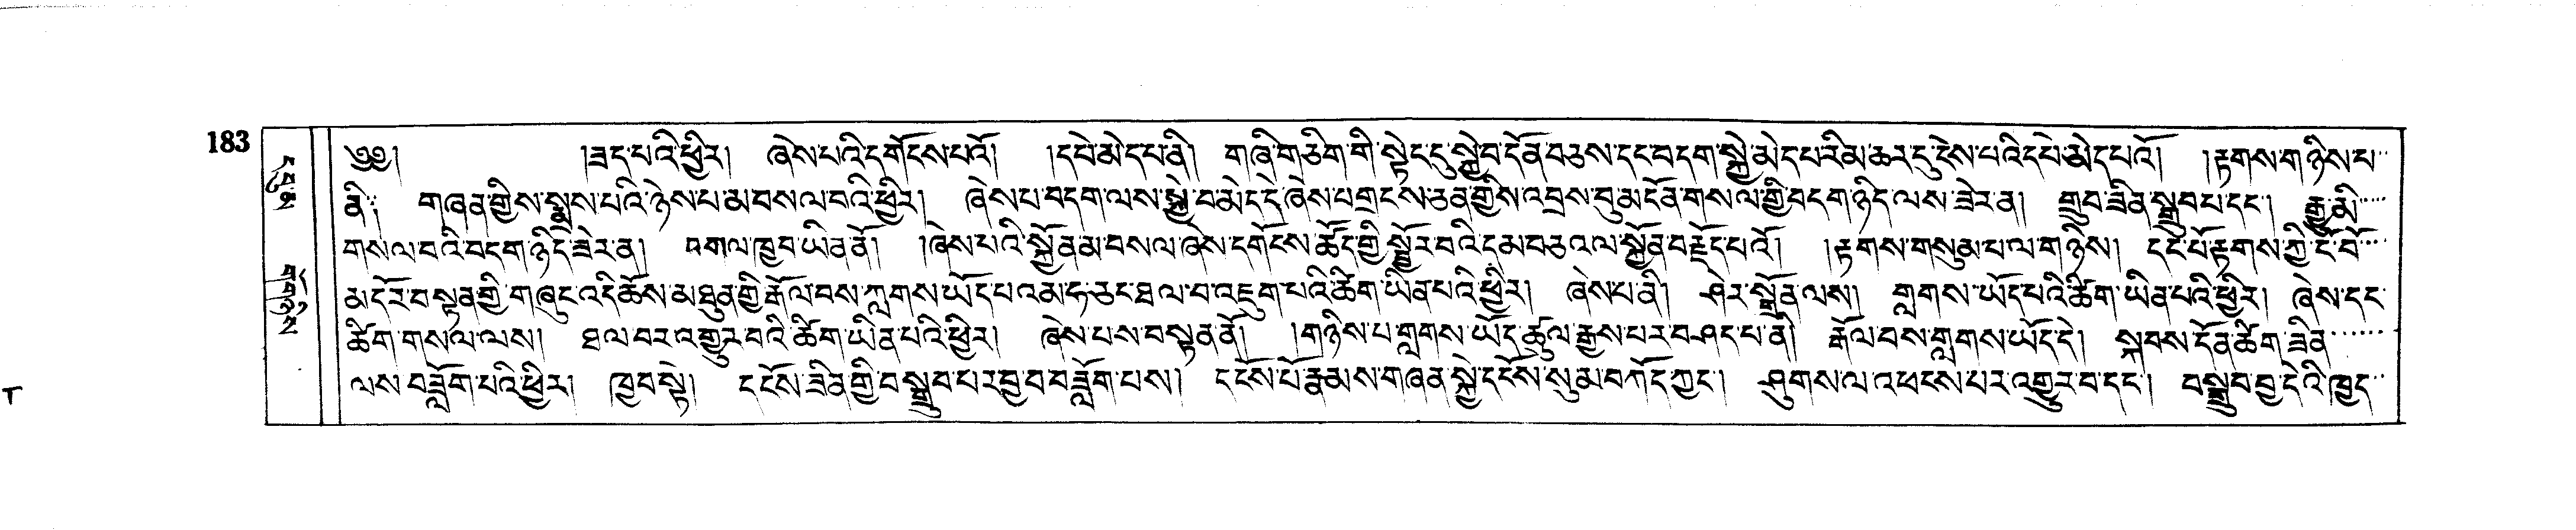༄༅། །ཟད་པའི་ཕྱིར། ཞེས་པའི་དགོངས་པའོ། །དཔེ་མེད་པ་ནི། གཞི་གཅིག་གི་སྟེང་དུ་སྐྱེ་བ་དོན་བཅས་དང་བདག་སྐྱེ་མེད་པ་རིམ་ཆར་དུ་ངེས་པའི་དཔེ་མེད་པའོ། །རྟགས་གཉིས་པ་
ནི༑ གཞན་གྱིས་སྨྲས་པའི་ཉེས་པ་མ་བསལ་བའི་ཕྱིར། ཞེས་པ་བདག་ལས་སྐྱེ་བ་མེད་དེ་ཞེས་པ་གྲངས་ཅན་གྱིས་འབྲས་བུ་མངོན་གསལ་གྱི་བདག་ཉིད་ལས་ཟེར་ན། གྲུབ་ཟིན་སྒྲུབ་པ་དང་། རྒྱུ་མི་
གསལ་བའི་བདག་ཉིད་ཟེར་ན། འགལ་ཁྱབ་ཡིན་ནོ། །ཞེས་པའི་སྐྱོན་མ་བསལ་ཞེས་དགོངས་ཚོད་གྱི་སྦྱོར་བའི་དམ་བཅའ་ལ་སྐྱོན་བརྗོད་པའོ། །རྟགས་གསུམ་པ་ལ་གཉིས། དང་པོ་རྟགས་ཀྱི་ངོ་བོ་
མདོར་བསྟན་གྱི་གཞུང་འདི་ཆོས་མཐུན་གྱི་རྒོལ་བས་ཀླགས་ཡོད་པའམ་ཧ་ཅང་ཐལ་བ་འཇུག་པའི་ཚིག་ཡིན་པའི་ཕྱིར། ཞེས་པ་ནི། ཤེར་སྒྲོན་ལས། གླགས་ཡོད་པའི་ཚིག་ཡིན་པའི་ཕྱིར། ཞེས་དང་
ཚིག་གསལ་ལས། ཐལ་བར་འགྱུར་བའི་ཚིག་ཡིན་པའི་ཕྱིར། ཞེས་པས་བསྟན་ནོ། །གཉིས་པ་གླགས་ཡོད་ཚུལ་རྒྱས་པར་བཤད་པ་ནི། རྒོལ་བས་གླགས་ཡོད་དེ། སྐབས་དོན་ཚིག་ཟིན་
ལས་བཟློག་པའི་ཕྱིར། ཁྱབ་སྟེ། དངོས་ཟིན་གྱི་བསྒྲུབ་པར་བྱ་བ་བཟློག་པས། དངོས་པོ་རྣམས་གཞན་སྐྱེ་དངོས་སུ་མ་བཀོད་ཀྱང་། ཤུགས་ལ་འཕངས་པར་འགྱུར་བ་དང་། བསྒྲུབ་བྱ་དེའི་ཁྱད་